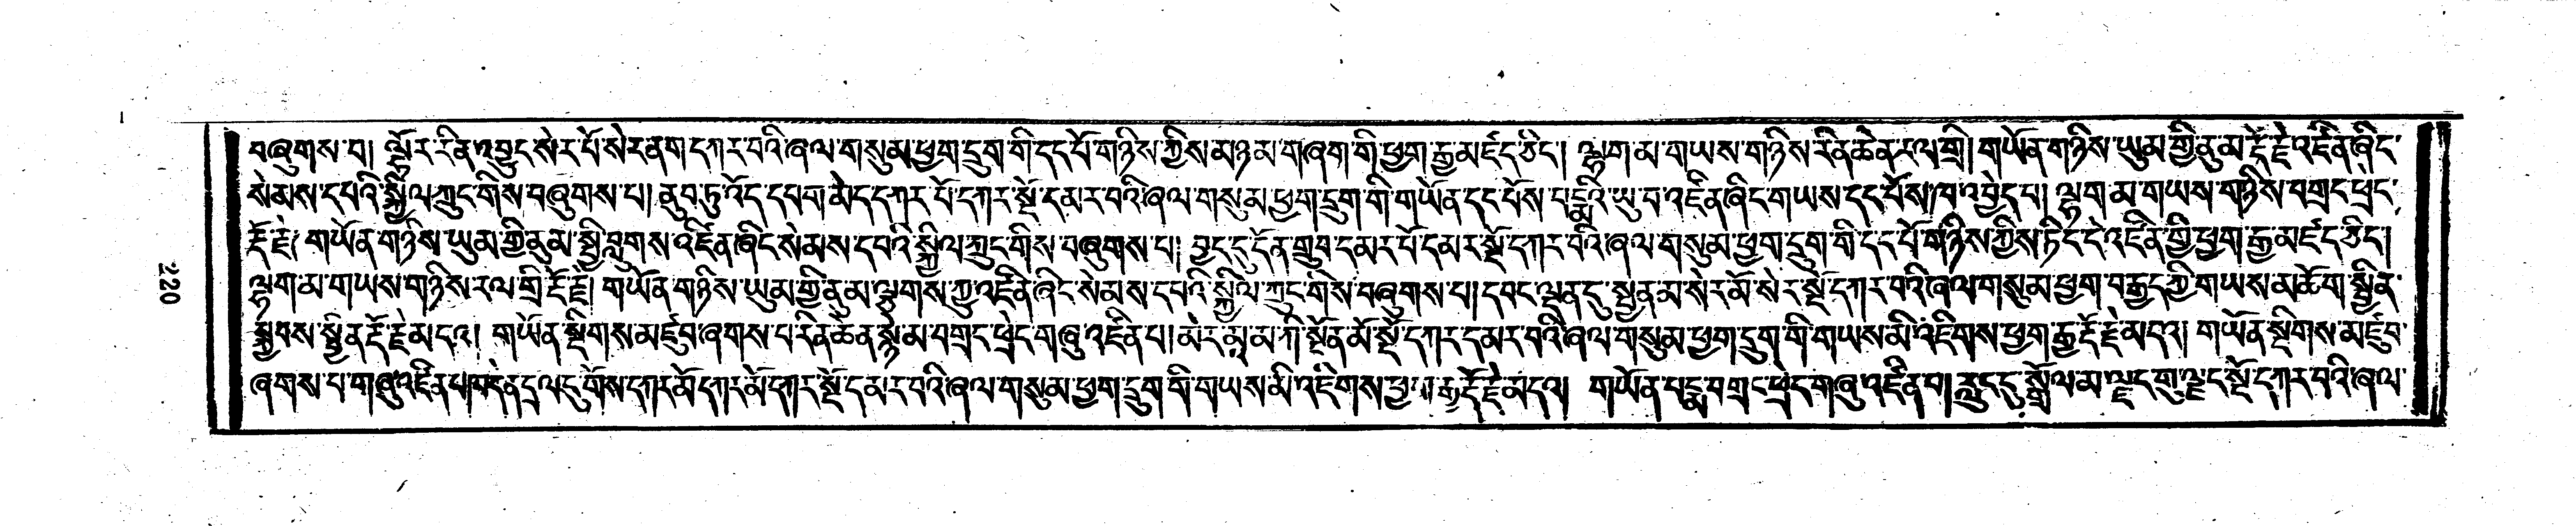རང་གི་སེམས་ཉིད་ཟླ་བའི་གཟུགས་ཇི་བཞིན་ནོ་སྟེ་ཇི་ལྟ་བ་བཞིན་དུ་རང་ཉིད་ཀྱིས་མཐོང་བར་འགྱུར་བ་ལྟར་བསྒོམ་པ་ཡིན་པའི་ཕྱིར། དེ་ལྟར་ཟླ་བ་ལ་དམིགས་པ་དེ་ནས། སྣང་བ་ཉེར་ཐོབ་མཚོན་པའི་རྡོ་རྗེའི་མཚན་མར་རབ་ཏུ་
བརྟག་པ་སྟེ་བསྒོམ་པར་བྱ་བ་ཡིན་ཏེ། རྣལ་འབྱོར་པ་ཡིས་འདི་ལྟར་བསྒོམ་པ་ནི། རྡོ་རྗེས་མཚོན་པ་ལས་བྱུང་བའི་ཐབས་སུ་སྟེ་སྣང་བ་མཆེད་པར་བཤད་པ་ཡིན་པའི་ཕྱིར། ཟླ་བ་ཉི་མ་པདམ་རྡོ་རྗེ་མཉམ་པར་སྦྱོར་བ་དང་།
སེམས་སེམས་བྱུང་འདུས་པ་ཤེས་རབ་ཐབས་སུ་སྟེ་ཤེས་རབ་ཐབས་གཉིས་སུ་འདུས་པ་སྣང་བ་ཐོབ་པ་མཚོན་བྱེད་དང་། དེ་རྣམས་འདུས་པའམ་སྦྱར་བ་ལས་བྱུང་བར་གྱུར་པའི་ལྷ་ཡི་གཟུགས་ནི་སྒྱུ་མའི་སྐུ་མཚོན་པ་ཡིན་ནོ།
དེ་ལྟར་སྔགས་པས་དུས་རྟག་ཏུ་ལྷ་ཡི་སྐུར་སྐྱེད་པར་བྱེད་ཅིང་། སྐུ་གསུང་ཐུགས་འཕྲིན་ལས་ཕྱག་རྒྱ་བཞིས་རྒྱས་བཏབ་ནས། ལྷ་ཡི་ང་རྒྱལ་འཆད་པས་སྤྱོད་པར་འགྱུར་པར་བྱ་སྟེ། དེ་ལྟར་བྱེད་པ་དེ་ནི་བསྐྱེད་པའི་རིམ་པ་
དང་ལྡན་པར་སྟོང་པ་གསུམ་ལས་སྒྱུ་མའི་སྐུར་ལྡང་བའི་དོན་ཡིན་པའི་ཕྱིར། ཇི་སྐད་དུ། རྒྱལ་བས་དཔལ་ལྡན་འདུས་པ་ལ་སོགས་པའི་བླ་མེད་ཀྱི་རྒྱུད་དེ་དང་དེར་ནི་རྒྱས་པར་གསུངས་པའི་ཇི་སྲིད་རིམ་པ་དང་པོའི་སྒོམ་ལ་སྦྱོར་
བར་གྱུར་པ་དེ་སྲིད་དུ་རྣལ་འབྱོར་པ་དེ་དང་པོའི་ལས་ཅན་ཡིན་ནོ། །བསྐྱེད་རིམ་པས་འདི་ལྟར་བསྒོམ་པར་གསུངས་པ་ལ་དགོས་པ་ཡོད་དེ། རིམ་པ་གཉིས་པའི་སྐབས་སུ་སེམས་དབེན་གྱི་སྟོང་པ་གསུམ་ལས་སྒྱུ་མའི་སྐུ་བསྐྱེད་